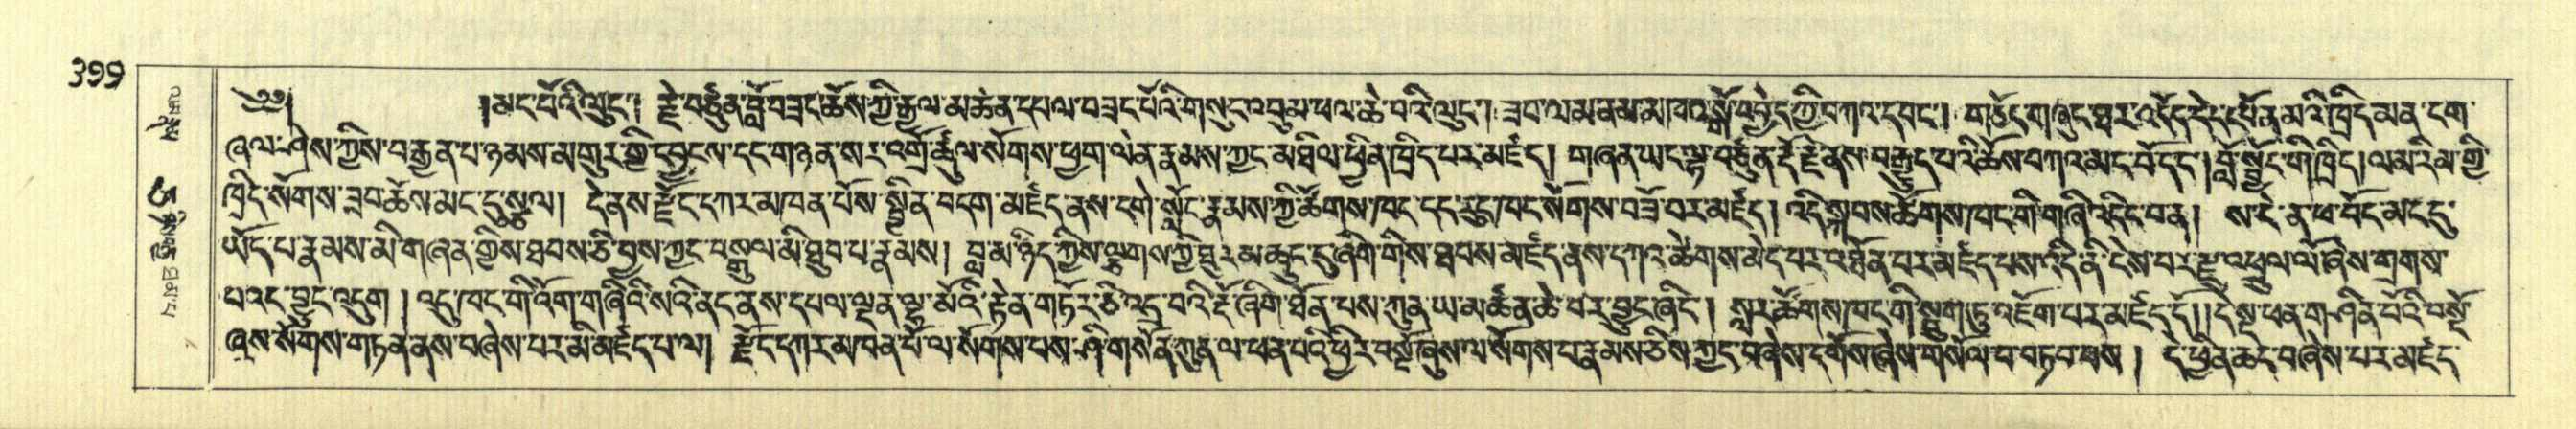༄༅། །མང་པོའི་ལུང༑ རྗེ་བཙུན་བློ་བཟང་ཆོས་ཀྱི་རྒྱལ་མཚན་དཔལ་བཟང་པོའི་གསུང་འབུམ་ཕལ་ཆེ་བའི་ལུང་། ཟབ་ལམ་ནམ་མཁའ་སྒོ་འབྱེད་ཀྱི་བཀའ་དབང་། གཅོད་གཞུང་ཐར་འདོད་དེད་དཔོན་མའི་ཁྲིད་མན་ངག་
ཞལ་ཤེས་ཀྱིས་བརྒྱན་པ་ཉམས་མགུར་གྱི་དབྱངས་དང་གཉན་སར་འགྲོ་ཚུལ་སོགས་ཕྱག་ལེན་རྣམས་ཀྱང་མཐིལ་ཕྱིན་ཁྲིད་པར་མཛད། གཞན་ཡང་ལྷ་བཙུན་རྡོ་རྗེ་ནས་བརྒྱུད་པའི་ཆོས་བཀའ་མང་བོ་དང་། བློ་སྦྱོང་གི་ཁྲིད། ལམ་རིམ་གྱི་
ཁྲིད་སོགས་ཟབ་ཆོས་མང་དུ་སྩལ། དེ་ནས་རྫོང་དཀར་མཁན་པོས་སྦྱིན་བདག་མཛད་ནས་དགེ་སློང་རྣམས་ཀྱི་ཚོགས་ཁང་དང་རུང་ཁང་སོགས་བཟོ་བར་མཛད། འདི་སྐབས་ཚོགས་ཁང་གི་གཞི་འདིང་བ་ན། ས་དེ་ན་ཕ་བོང་མང་དུ་
ཡོད་པ་རྣམས་མི་གཞན་གྱིས་ཐབས་ཅི་བྱས་ཀྱང་བསྒུལ་མི་ཐུབ་པ་རྣམས། བླ་མ་ཉིད་ཀྱིས་ལྕགས་ཀྱི་ཐུར་མ་ཆུང་དུ་ཞིག་གིས་ཐབས་མཛད་ནས་དཀའ་ཚེགས་མེད་པར་འཐོན་པར་མཛད་པས་འདི་ནི་ངེས་བར་རྫུ་འཕྲུལ་ལོ་ཞེས་གྲགས་
པའང་བྱུང་འདུག །འདུ་ཁང་གི་འོག་གཞིའི་སའི་ནང་ནས་དཔལ་ལྡན་ལྷ་མོའི་རྟེན་གཏོར་ཅི་འདྲ་བའི་རྡོ་ཞིག་ཐོན་པས་ཀུན་ཡ་མཚན་ཆེ་བར་བྱུང་ཞིང་། སླར་ཚོགས་ཁང་གི་སྦུག་ཏུ་འཇོག་པར་མཛད་དོ། །དེ་སྔ་ཕན་གཤིན་པོའི་བསྔོ་
ཞུས་སོགས་གཏན་ནས་བཞེས་པར་མི་མཛད་པ་ལ། རྫོང་དཀར་མཁན་པོ་ལ་སོགས་པས་ཤི་གསོན་ཀུན་ལ་ཕན་པའི་ཕྱིར་བསྔོ་ཞུས་ལ་སོགས་པ་རྣམས་ཅིས་ཀྱང་བཞེས་དགོས་ཞེས་གསོལ་བ་བཏབ་ཕས། དེ་ཕྱིན་ཆང་བཞེས་པར་མཛད་